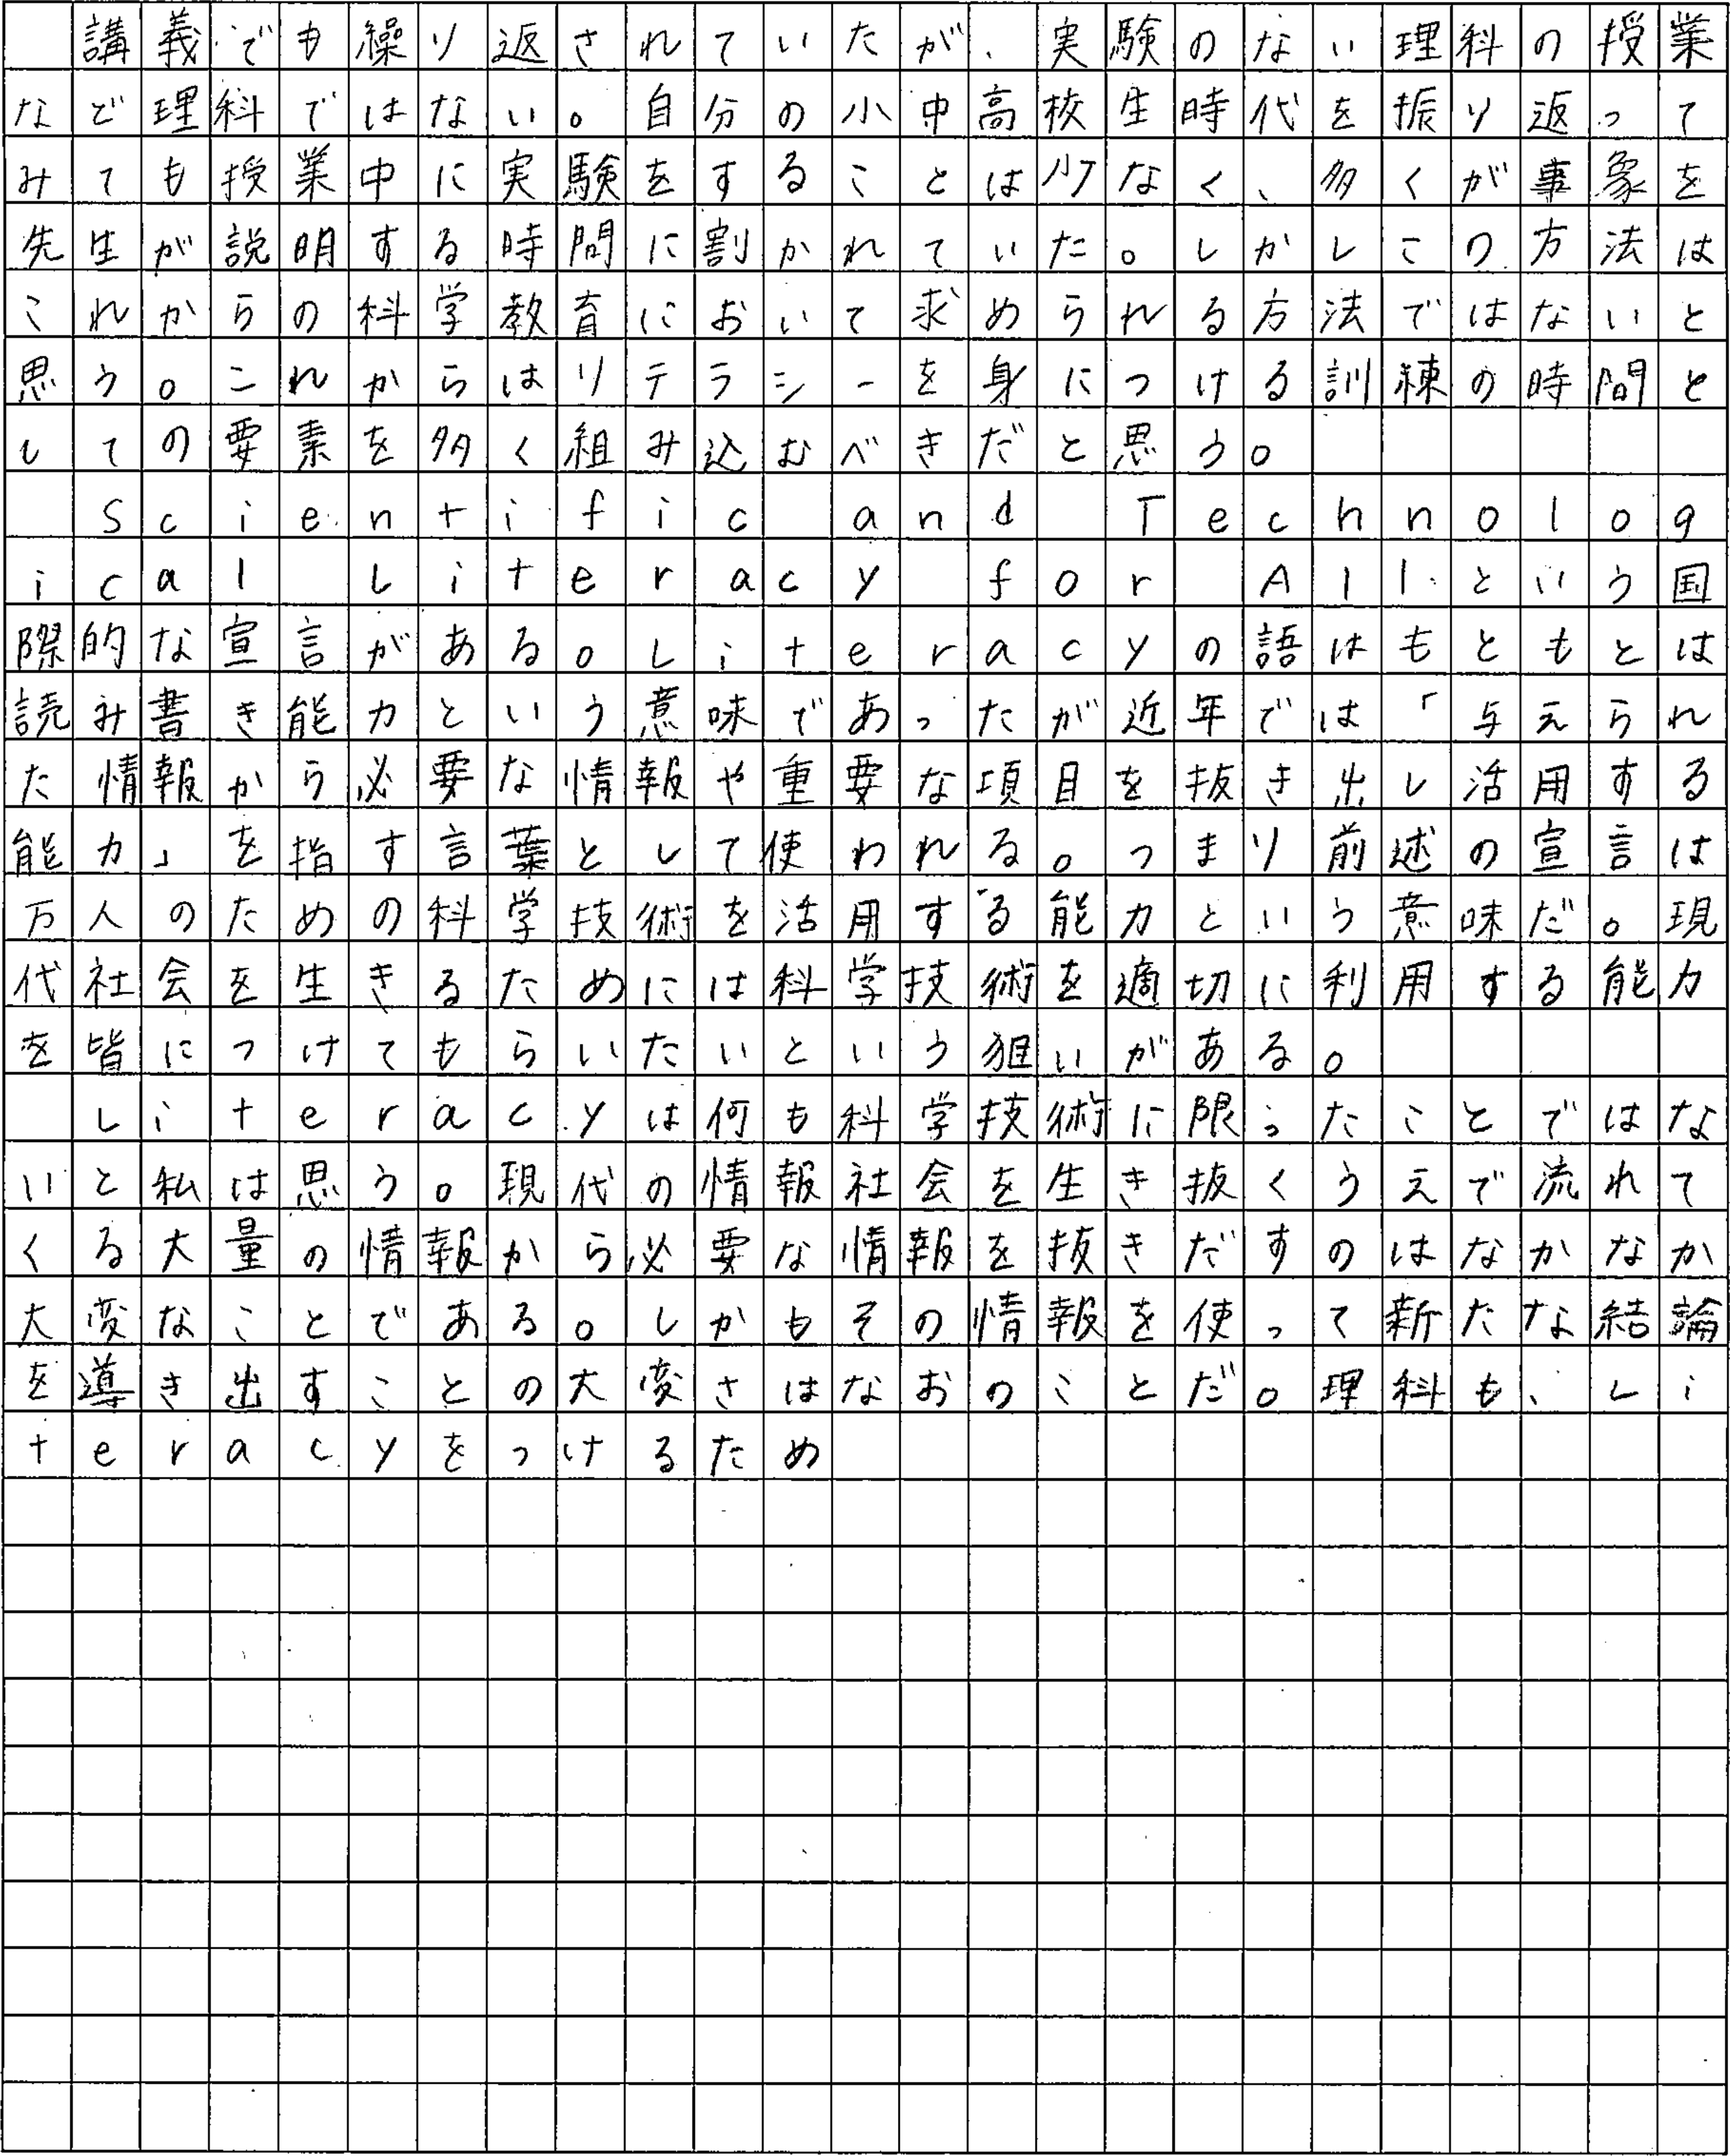　講義でも繰り返されていたが、実験のない理科の授業など理科ではない。自分の小中高校生時代を振り返ってみても授業中に実験をすることは少なく、多くが事象を先生が説明する時間に割かれていた。しかしこの方法はこれからの科学教育において求められる方法ではないと思う。これからはリテラシーを身につける訓練の時間としての要素を多く組み込むべきだと思う。
　Ｓｃｉｅｎｔｉｆｉｃ　ａｎｄ　Ｔｅｃｈｎｏｌｏｇｉｃａｌ　Ｌｉｔｅｒａｃｙ　ｆｏｒ　Ａｌｌという国際的な宣言がある。Ｌｉｔｅｒａｃｙの語はもともとは読み書き能力という意味であったが近年では「与えられた情報から必要な情報や重要な項目を抜き出し活用する能力」を指す言葉として使われる。つまり前述の宣言は万人のための科学技術を活用する能力という意味だ。現代社会を生きるためには科学技術を適切に利用する能力を皆につけてもらいたいという狙いがある。
　Ｌｉｔｅｒａｃｙは何も科学技術に限ったことではないと私は思う。現代の情報社会を生き抜くうえで流れてくる大量の情報から必要な情報を抜き出すのはなかなか大変なことである。しかもその情報を使って新たな結論を導き出すことの大変さはなおのことだ。理科も、Ｌｉｔｅｒａｃｙをつけるため
